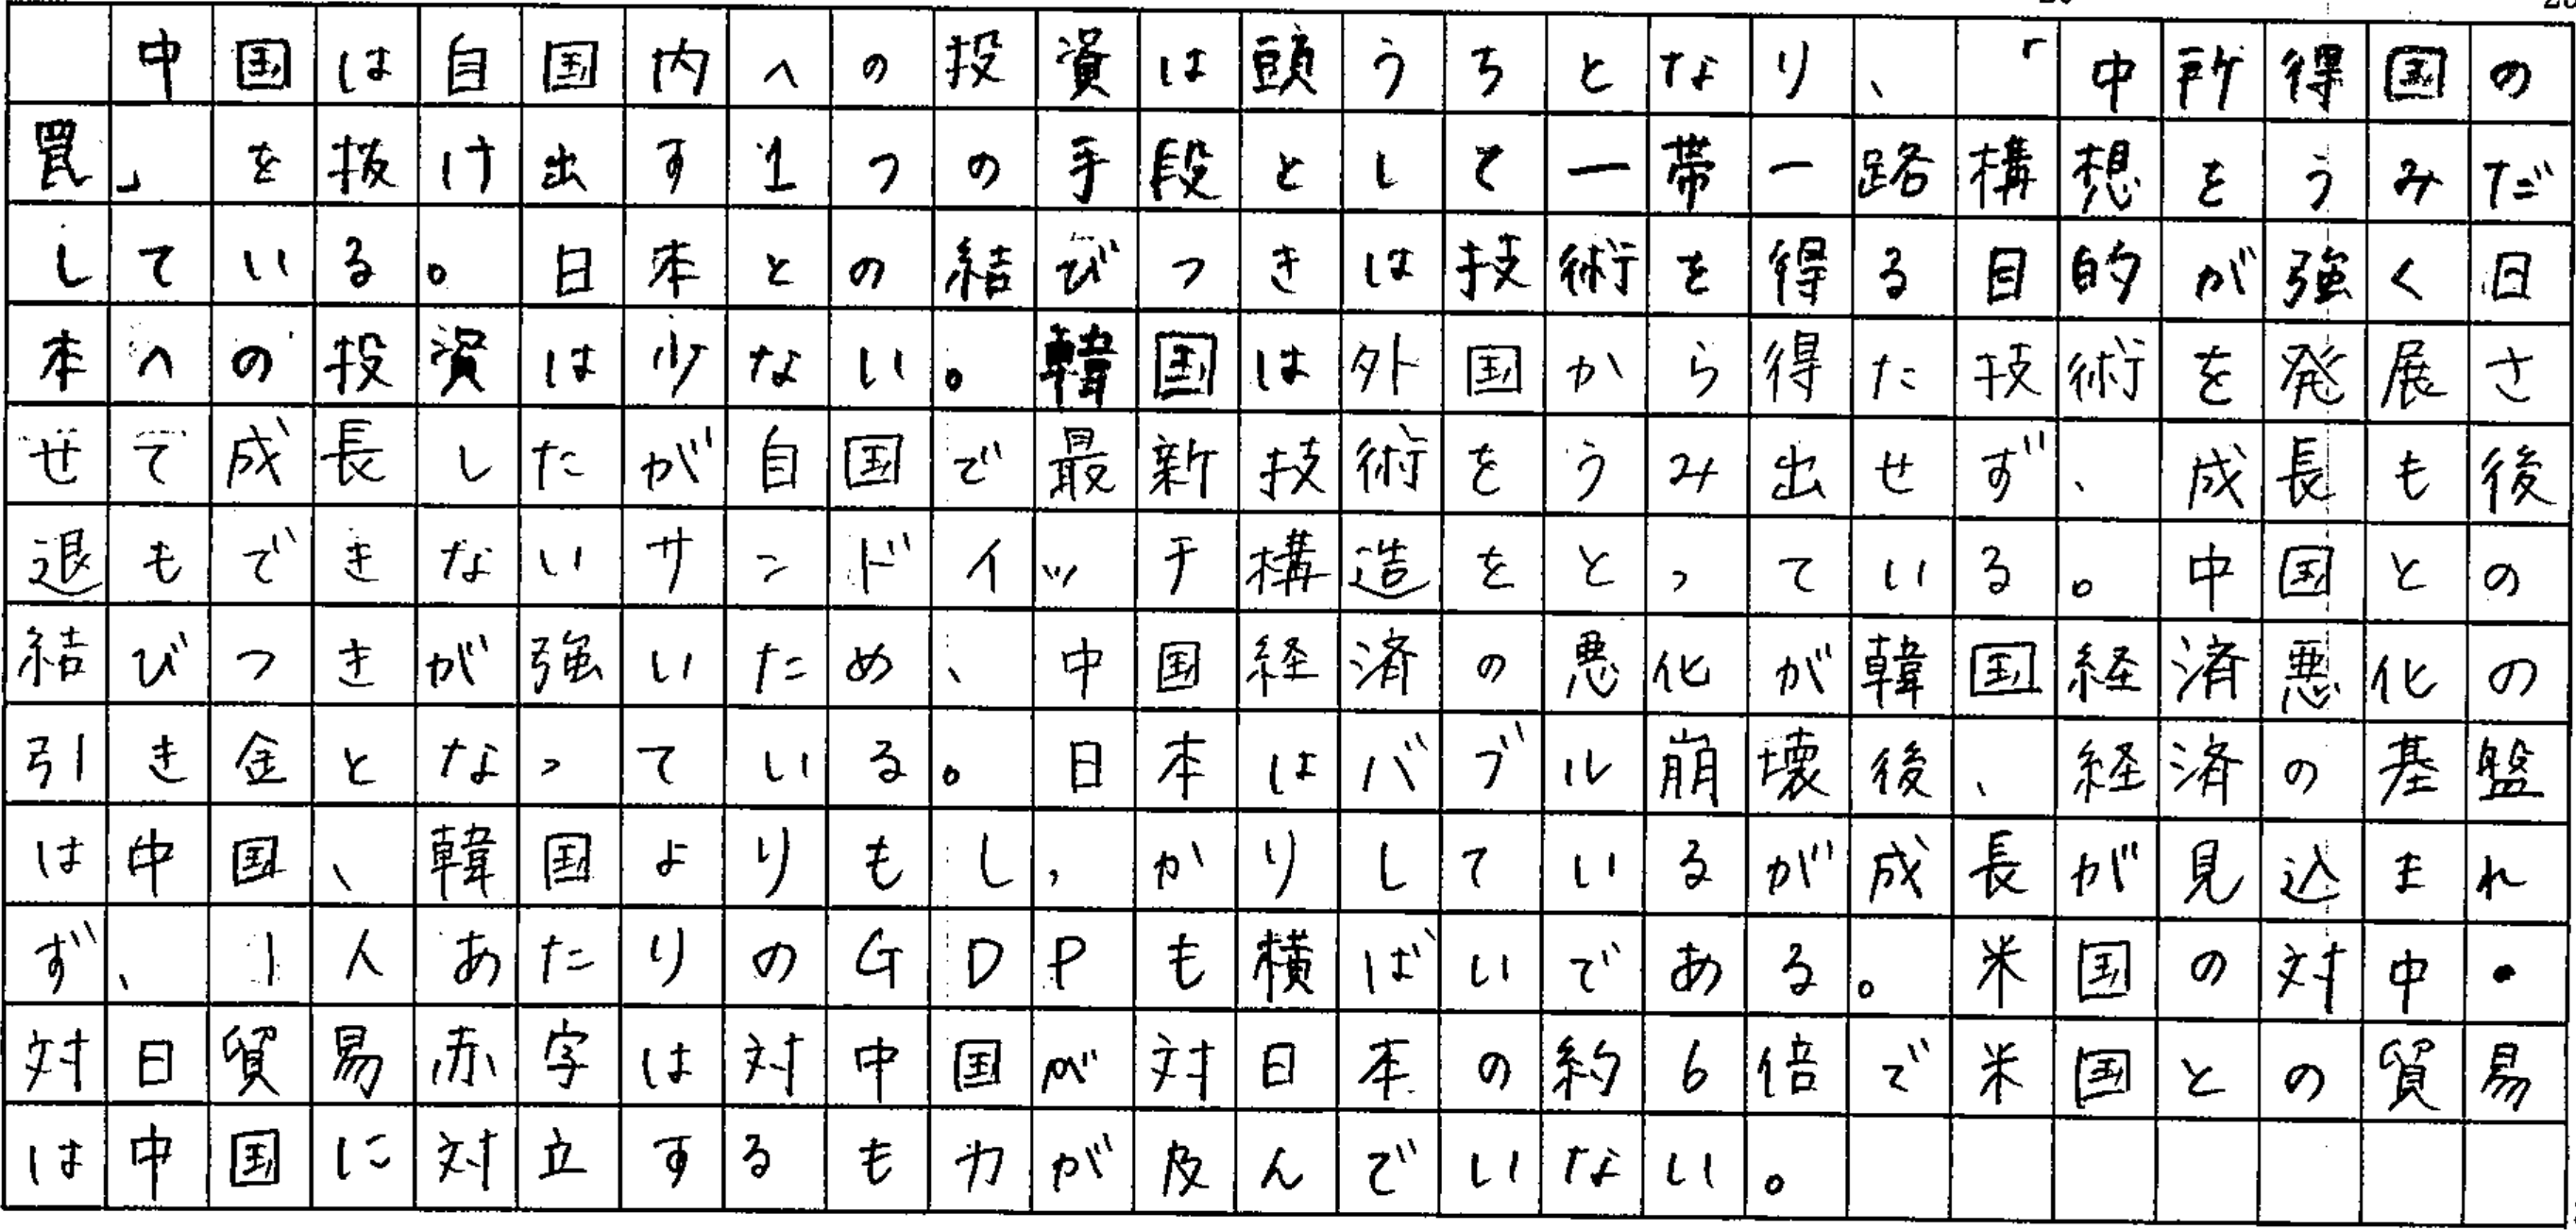　中国は自国内への投資は頭うちとなり、「中所得国の罠」を抜け出す１つの手段として一帯一路構想をうみだしている。日本との結びつきは技術を得る目的が強く日本への投資は少ない。韓国は外国から得た技術を発展させて成長したが自国で最新技術をうみ出せず、成長も後退もできないサンドイッチ構造をとっている。中国との結びつきが強いため、中国経済の悪化が韓国経済悪化の引き金となっている。日本はバブル崩壊後、経済の基盤は中国、韓国よりもしっかりしているが成長が見込まれず、１人あたりのＧＤＰも横ばいである。米国の対中・対日貿易赤字は対中国が対日本の約６倍で米国との貿易は中国に対立するも力が及んでいない。
